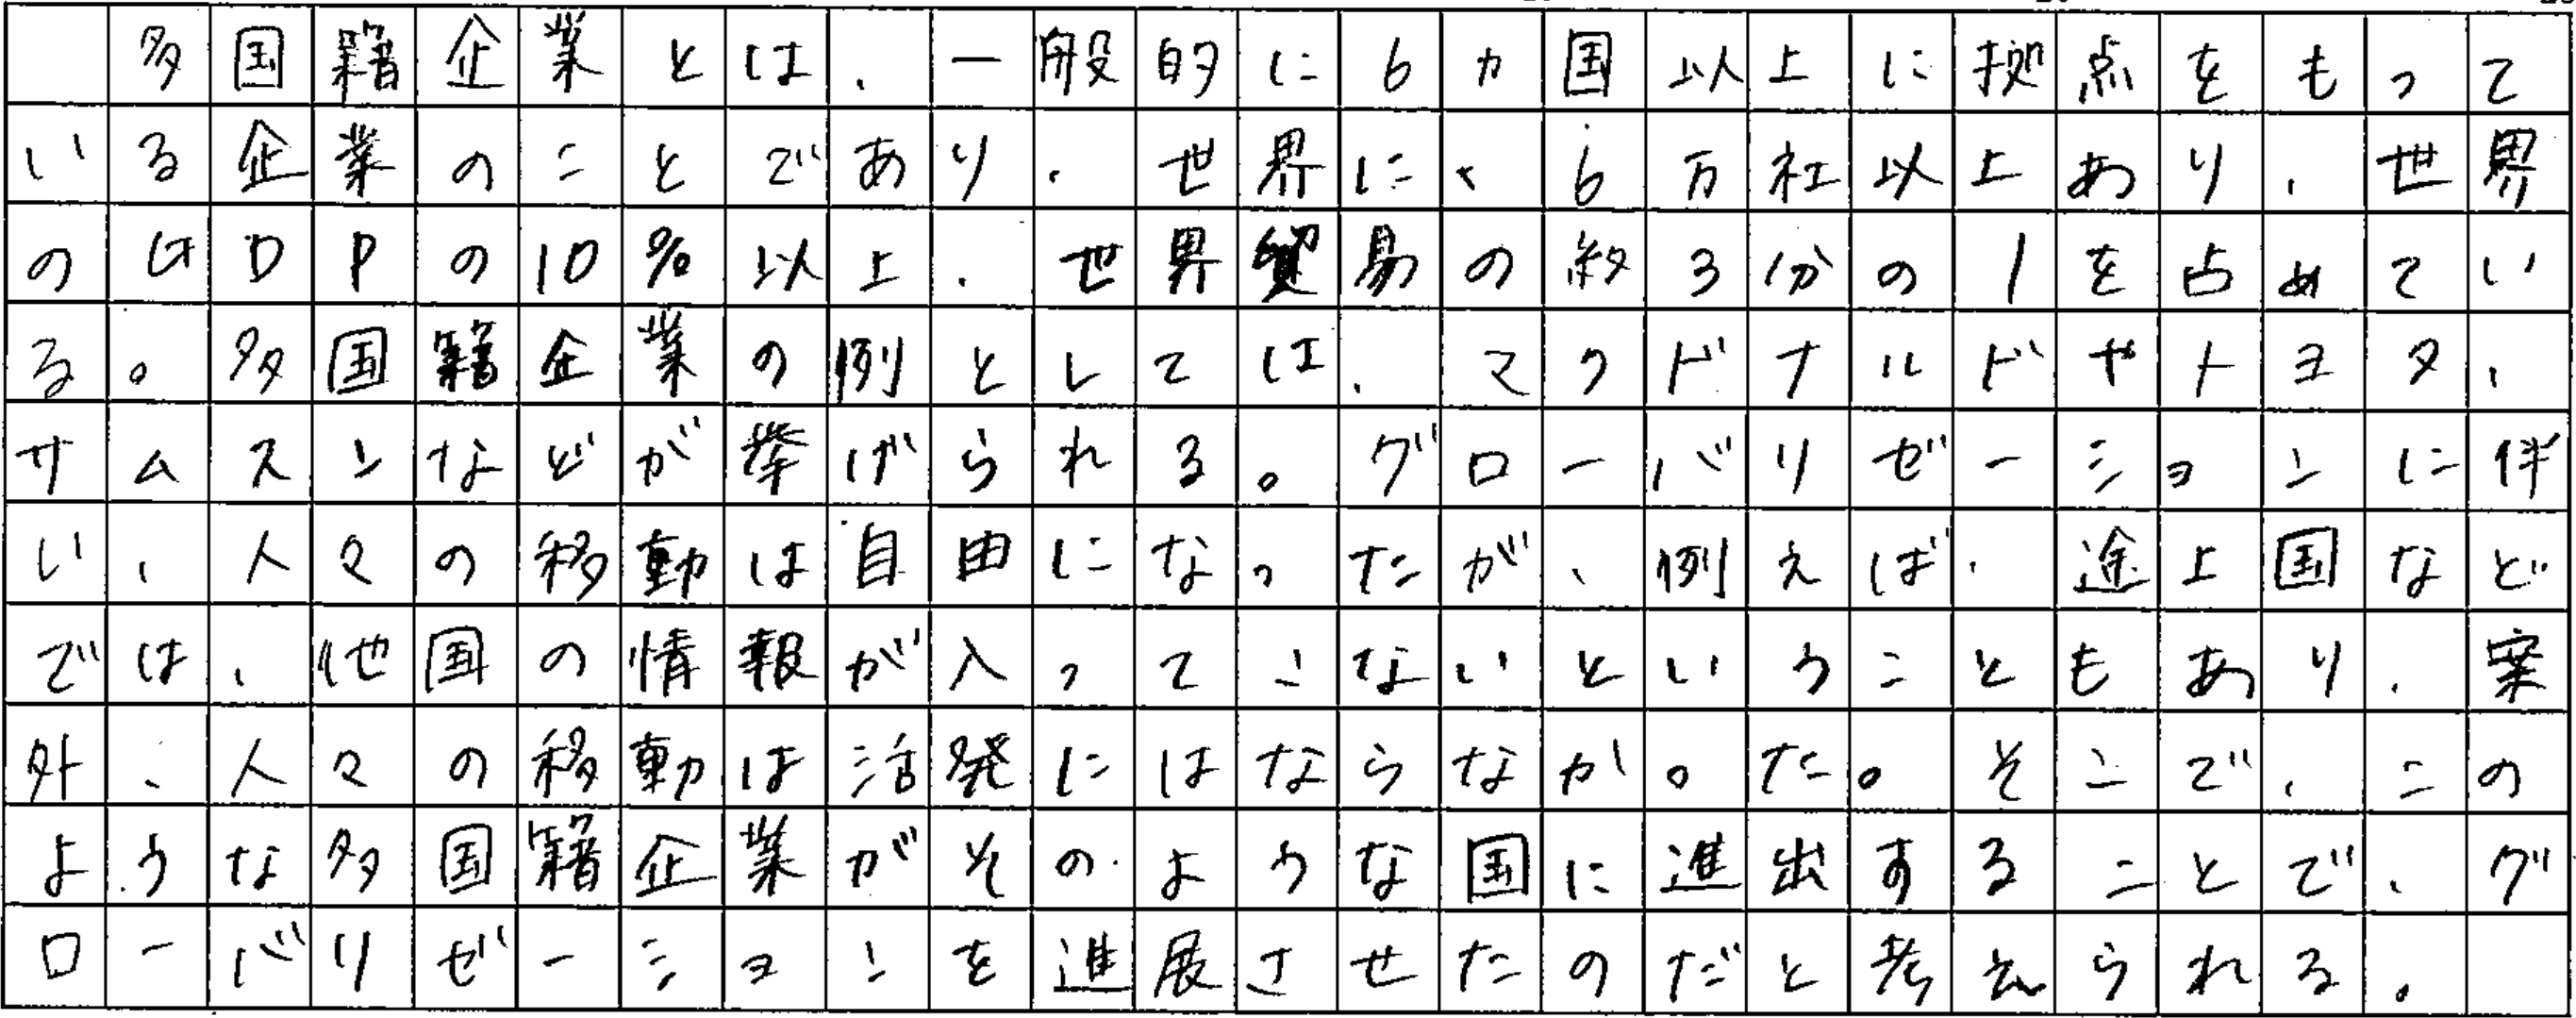　多国籍企業とは、一般的に６ヵ国以上に拠点をもっている企業のことであり、世界に、６万社以上あり、世界のＧＤＰの１０％以上、世界貿易の約３分の１を占めている。多国籍企業の例としては、マクドナルドやトヨタ、サムスンなどが挙げられる。グローバリゼーションに伴い、人々の移動は自由になったが、例えば、途上国などでは、他国の情報が入ってこないということもあり、案外、人々の移動は活発にはならなかった。そこで、このような多国籍企業がそのような国に進出することで、グローバリゼーションを進展させたのだと考えられる。
